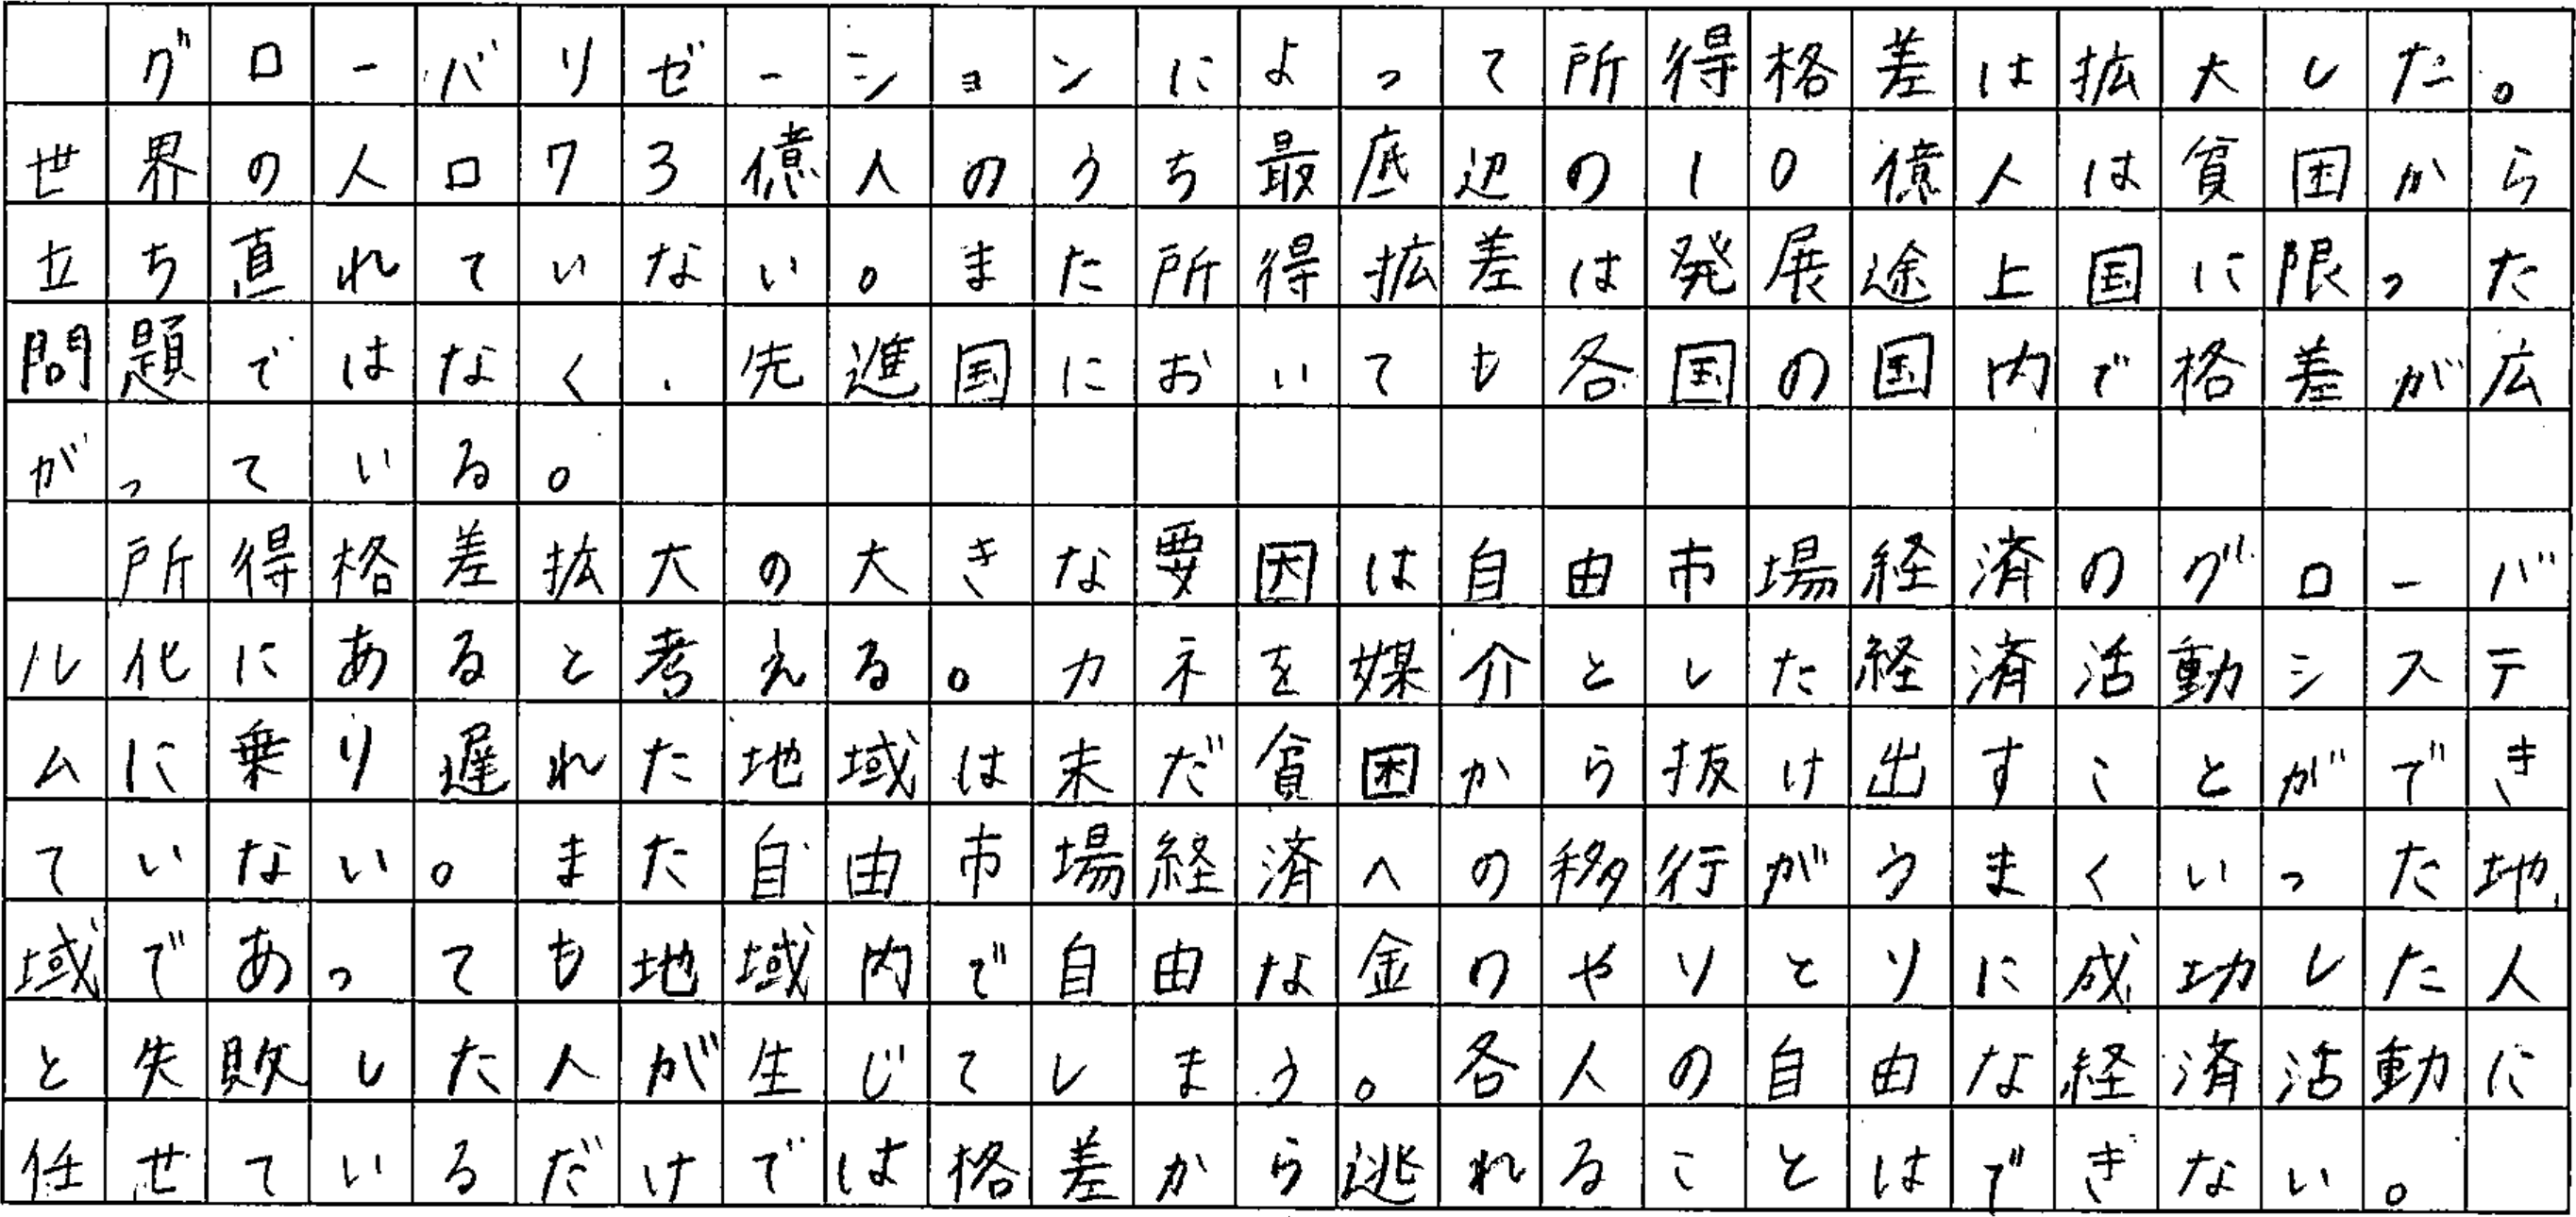　グローバリゼーションによって所得格差は拡大した。世界の人口７３億人のうち最底辺の１０億人は貧困から立ち直れていない。また所得格差は発展途上国に限った問題ではなく、先進国においても各国の国内で格差が広がっている。
　所得格差拡大の大きな要因は自由市場経済のグローバル化にあると考える。カネを媒介とした経済活動システムに乗り遅れた地域は未だ貧困から抜け出すことができていない。また自由市場経済への移行がうまくいった地域であっても地域内で自由な金のやりとりに成功した人と失敗した人が生じてしまう。各人の自由な経済活動に任せているだけでは格差から逃れることはできない。
